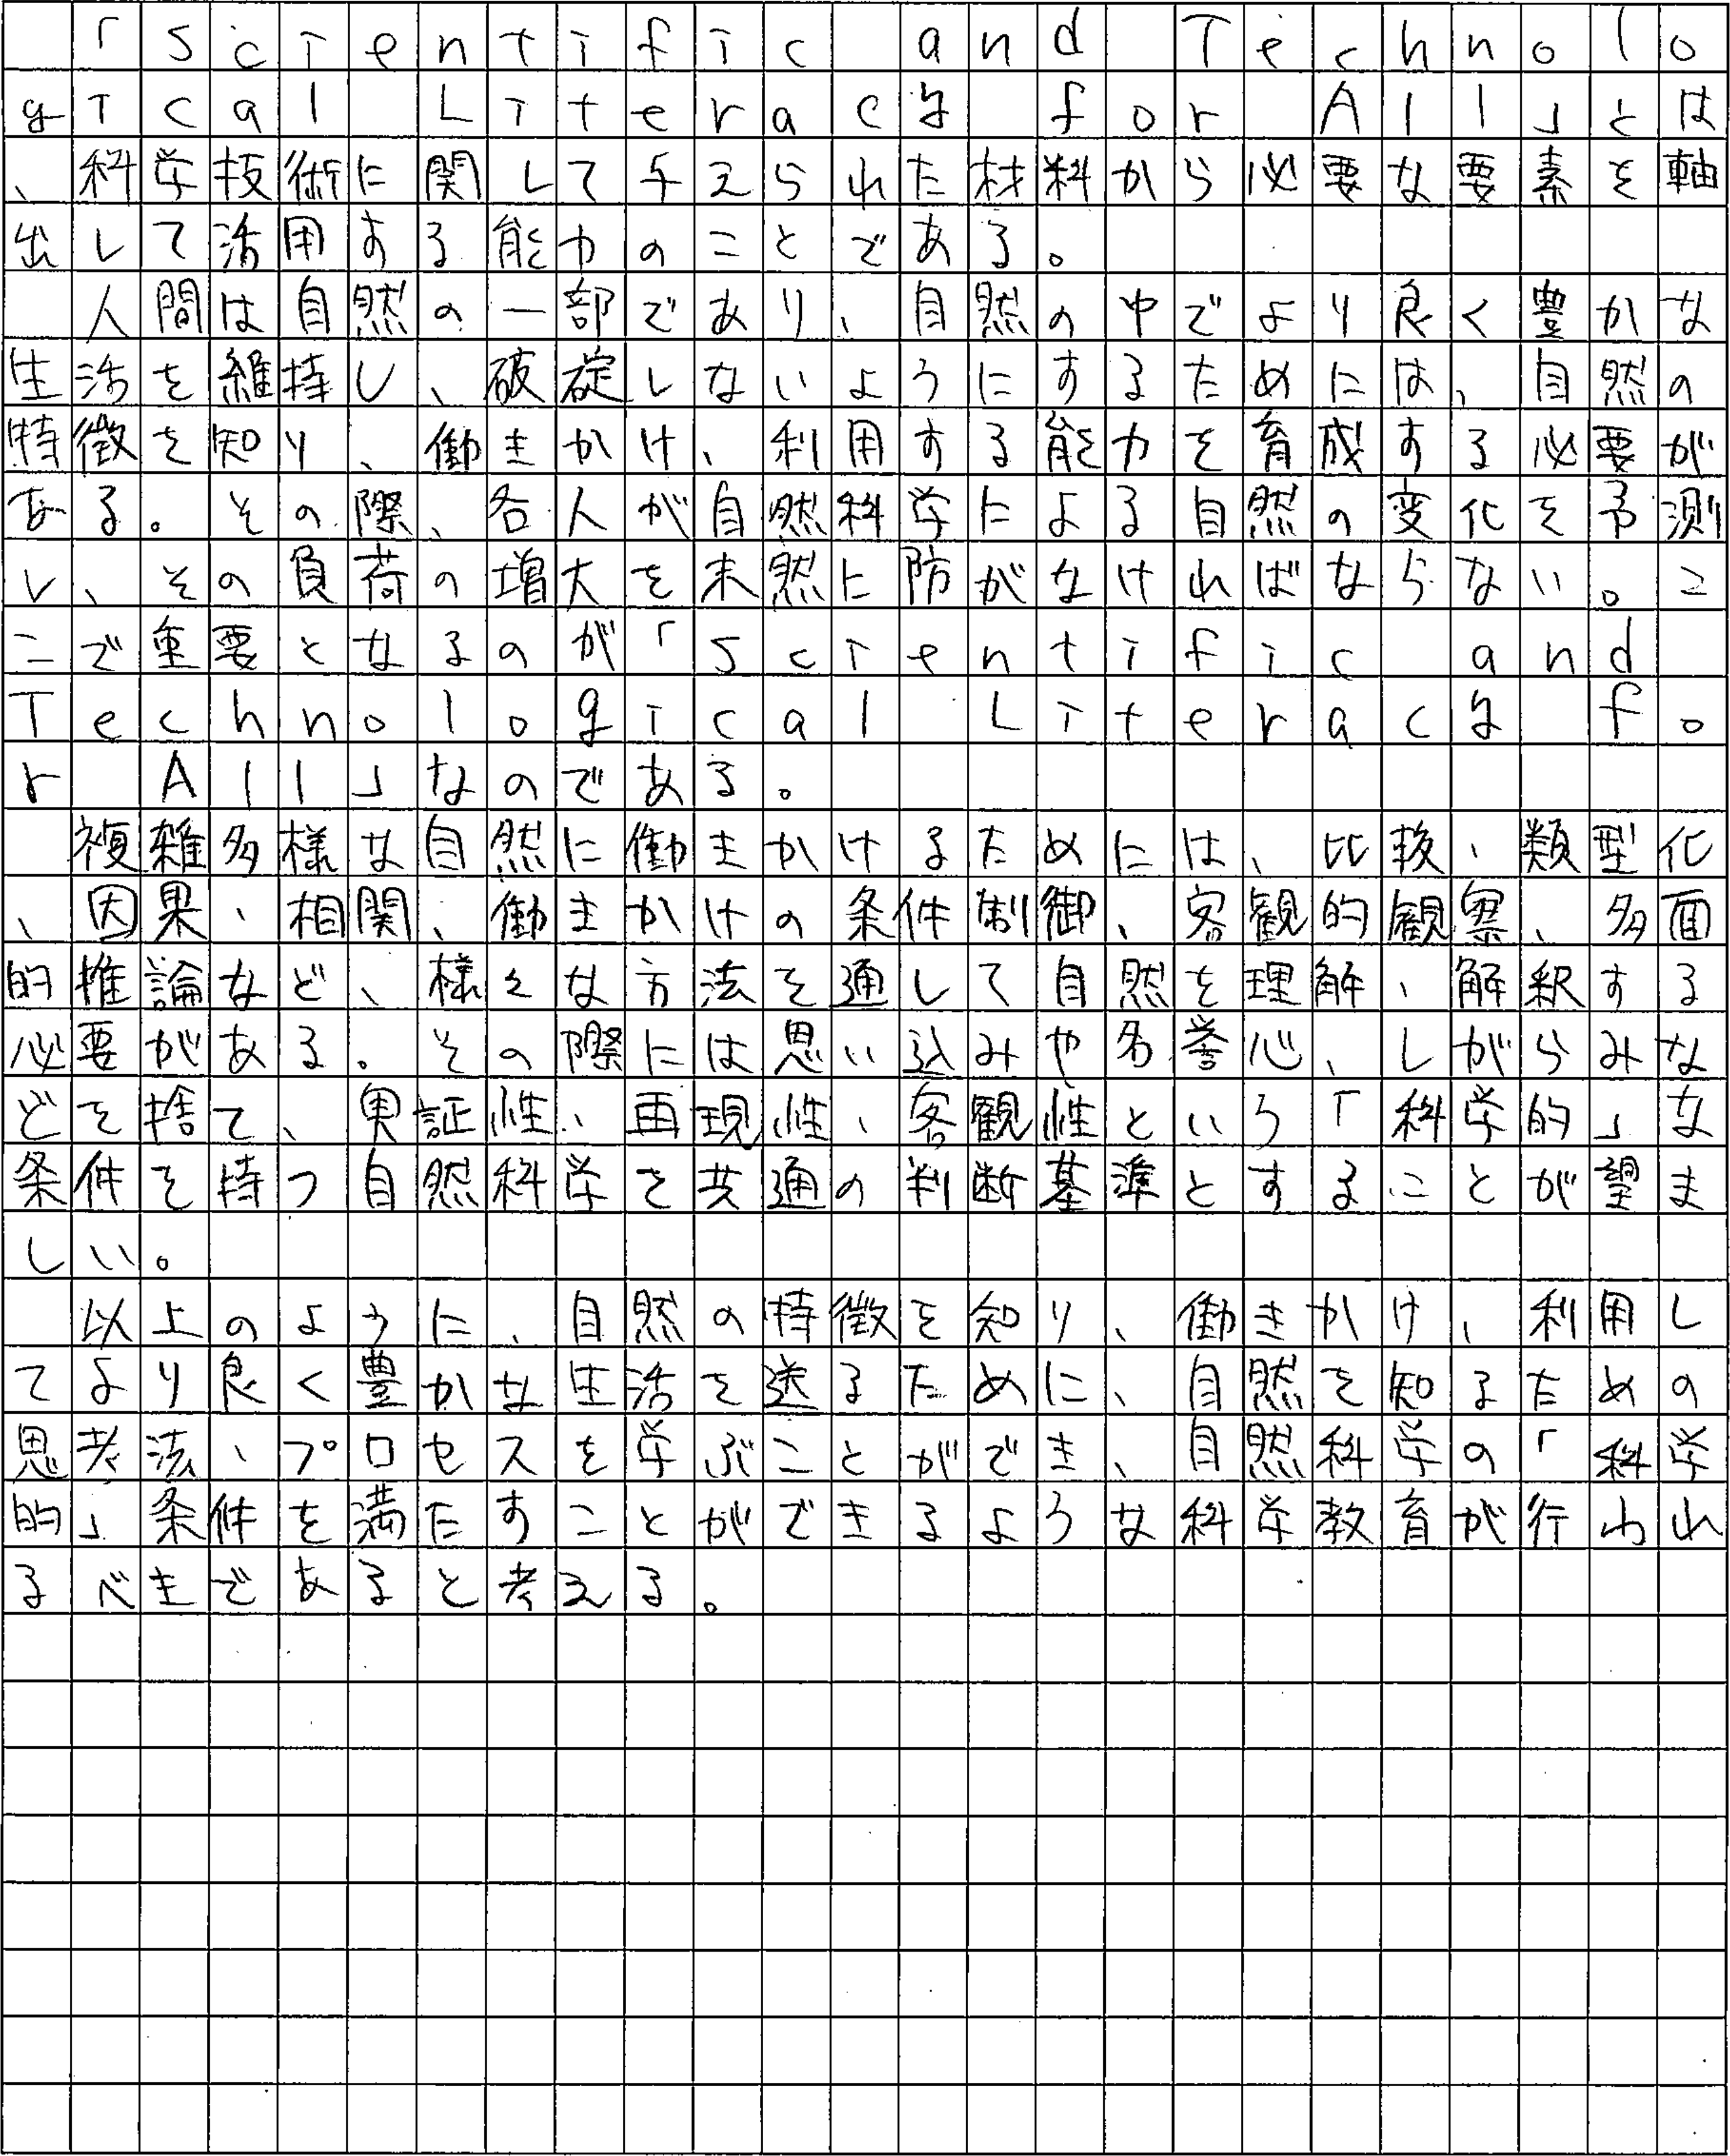　「Ｓｃｉｅｎｔｉｆｉｃ　ａｎｄ　Ｔｅｃｈｎｏｌｏｇｉｃａｌ　Ｌｉｔｅｒａｃｙ　ｆｏｒ　Ａｌｌ」とは、科学技術に関して与えられた材料から必要な要素を軸出して活用する能力のことである。
　人間は自然の一部であり、自然の中でより良く豊かな生活を維持し、破碇しないようにするためには、自然の特徴を知り、働きかけ、利用する能力を育成する必要がある。その際、各人が自然科学による自然の変化を予測し、その負荷の増大を末然に防がなければならない。ここで重要となるのが「Ｓｃｉｅｎｔｉｆｉｃ　ａｎｄ　Ｔｅｃｈｎｏｌｏｇｉｃａｌ　Ｌｉｔｅｒａｃｙ　ｆｏｒ　Ａｌｌ」なのである。
　複雑多様な自然に働きかけるためには、比▁・類型化、因果・相関、働きかけの条件制御、客観的観察、多面的推論など、様々な方法を通して自然を理解、解釈する必要がある。その際には思い込みや名誉心、しがらみなどを捨て、実証性・再現性・客観性という「科学的」な条件を持つ自然科学を共通の判断基準とすることが望ましい。
　以上のように、自然の特徴を知り、働きかけ、利用してより良く豊かな生活を送るために、自然を知るための思考法・プロセスを学ぶことができ、自然科学の「科学的」条件を満たすことができるような科学教育が行われるべきであると考える。
